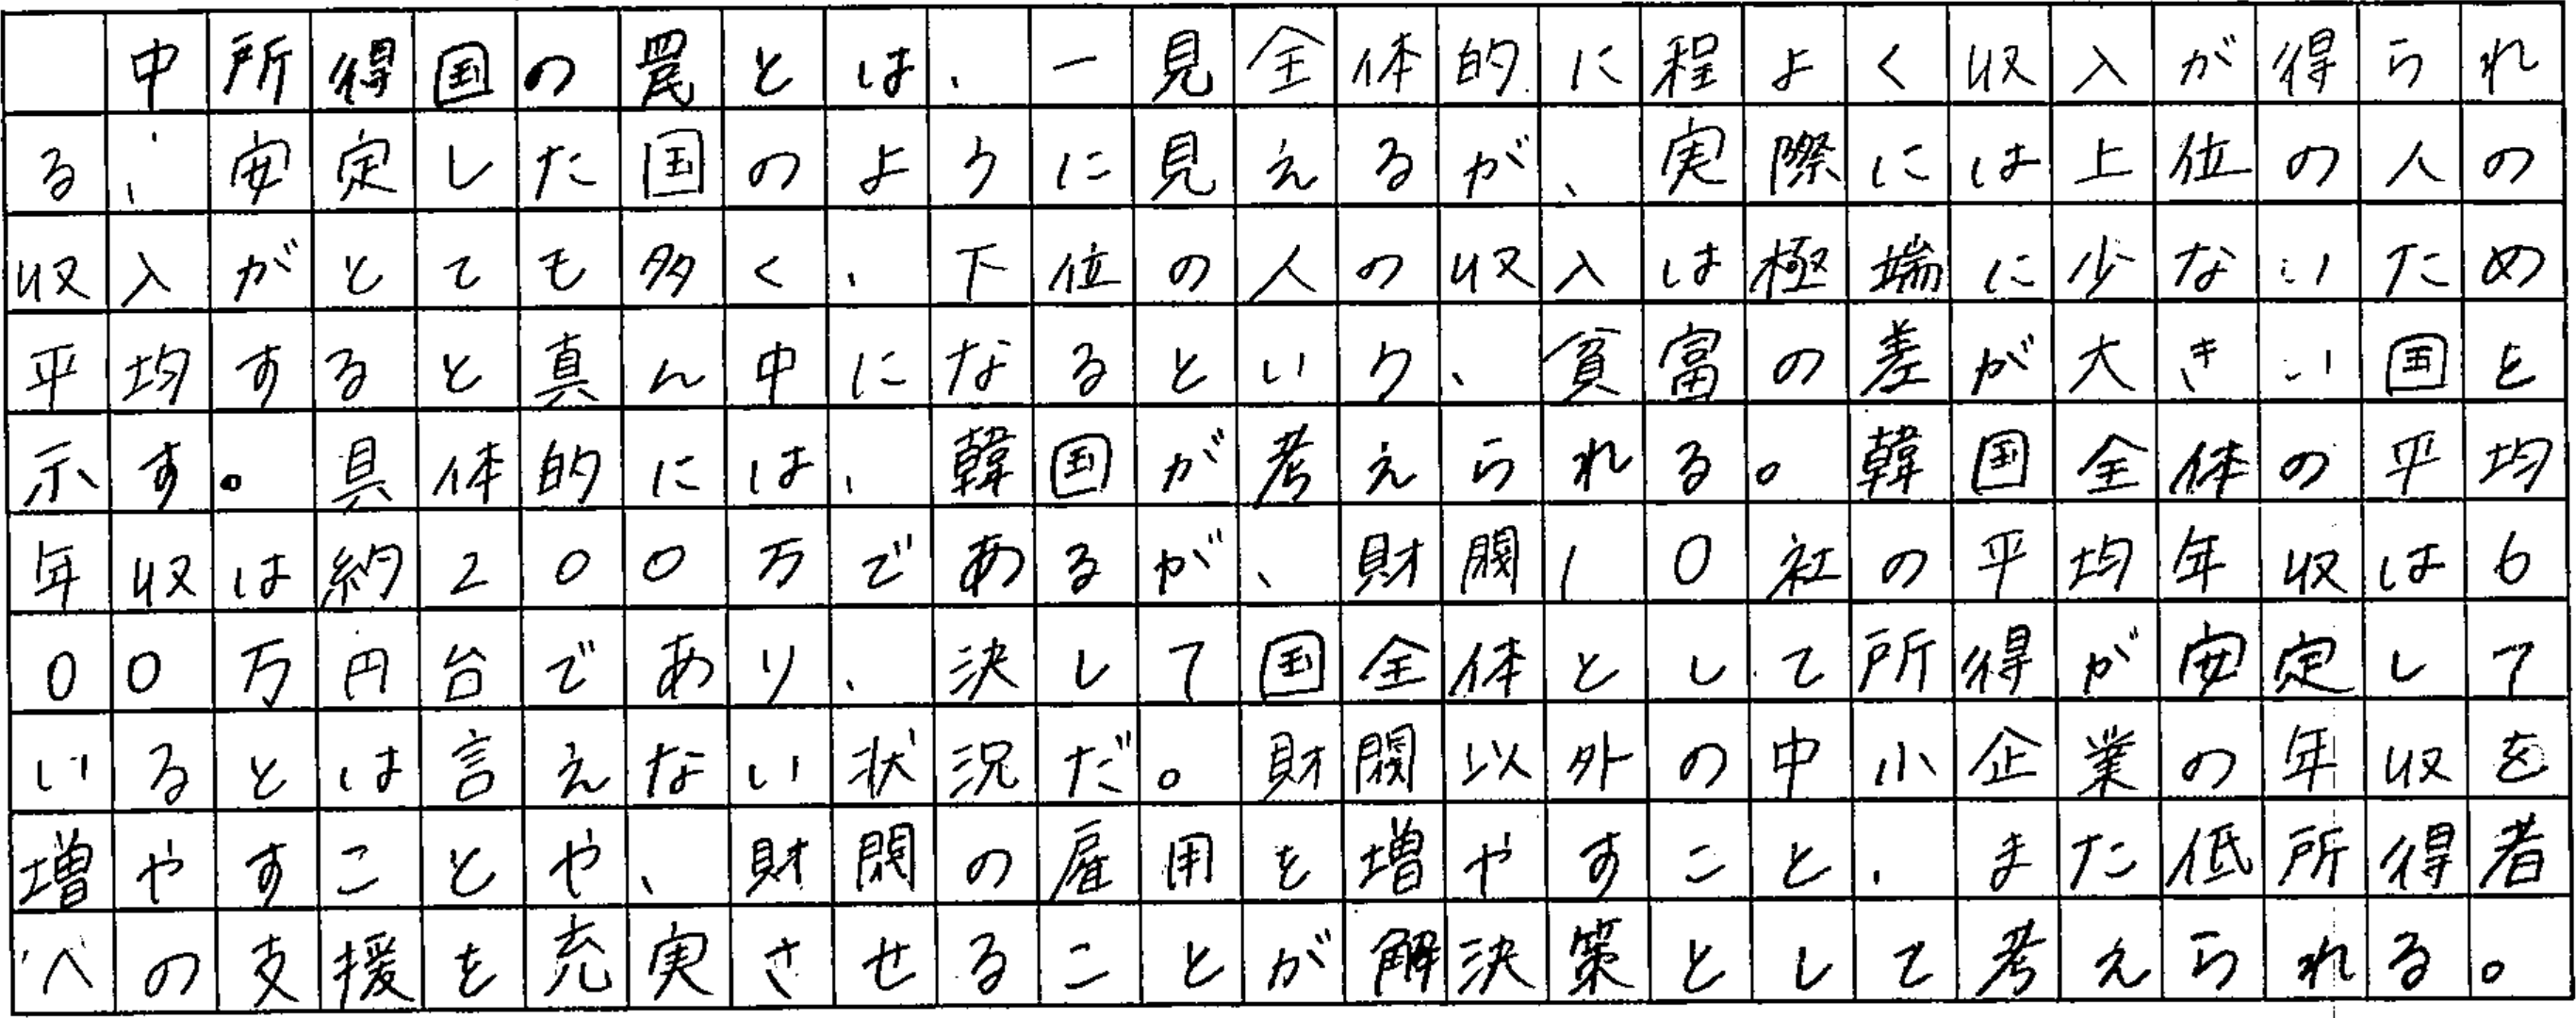　中所得国の罠とは、一見全体的に程よく収入が得られる、安定した国のように見えるが、実際には上位の人の収入がとても多く、下位の人の収入は極端に少ないため平均すると真ん中になるという、貧富の差が大きい国を示す。具体的には、韓国が考えられる。韓国全体の平均年収は約２００万であるが、財閥１０社の平均年収は６００万円台であり、決して国全体として所得が安定しているとは言えない状況だ。財閥以外の中小企業の年収を増やすことや、財閥の雇用を増やすこと、また低所得者への支援を充実させることが解決策として考えられる。
